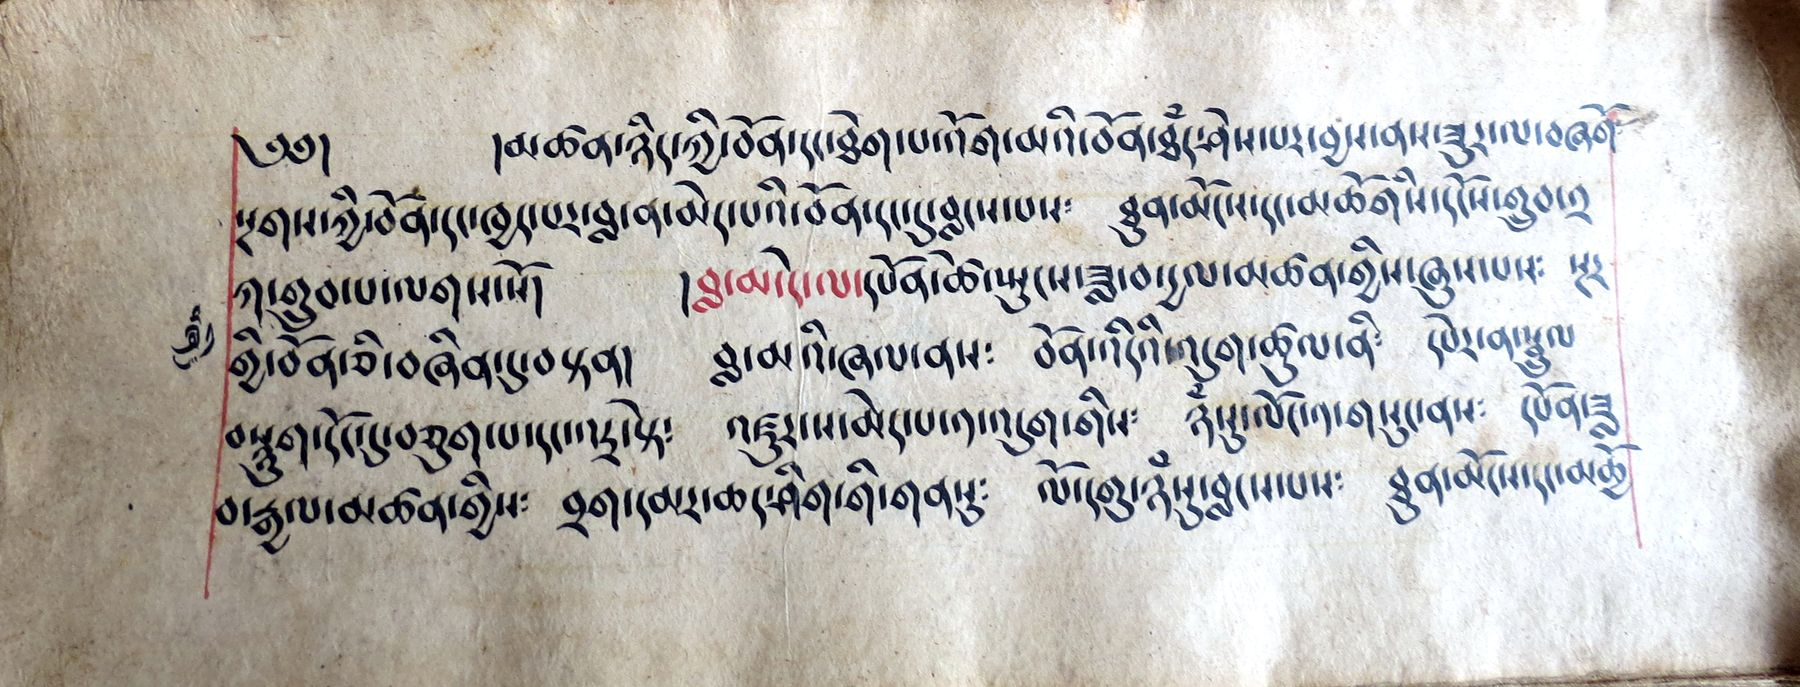མཚན་ཉིད་ཀྱི་བོན་དང་། ཐེག་པ་འོག་མ་ཐམས་ཅད་ཤེས་པར་བྱས་ནས་ཟུར་ལ་བཞག་གོ། 
སྔགས་ཀྱི་བོན་དང་། ཁྱད་པར་བླ་ན་མེད་པའི་བོན་དང་དུ་བླངས་པས། ཐུན་མོང་དང་མཆོག་གི་དངོས་གྲུབ་གཉིས་
ཀ་གྲུབ་པ་ལགས་སོ། ། བླ་མ་དེ་ལ་དཔོན་ཚེ་སྤུངས་ཟླ་བ་རྒྱལ་མཚན་གྱིས་ཞུས་པས། སྔར་
གྱི་བོན་ཇི་བཞིན་དུ་བསྟན། བླ་མའི་ཞལ་ནས། བོན་འདིའི་འདུག་ཚུལ་ནི། དཔེར་ན་སྦྲུལ་
སྙུག་དོང་དུ་བཅུགས་པ་དང་འདྲ་སྟེ། འཛུར་ས་མེད་པ་ཞིག་འདུག་གིས། ཉམས་སུ་ལོངས་ཤིག་གསུངས་ནས། དཔོན་ཟླ་
བ་རྒྱལ་མཚན་གྱིས། བྲག་དམར་ཆད་ཅིག་གི་གནས་སུ། ལོ་དགུ་ཉམས་སུ་བླངས་པས། ཐུན་མོང་དང་མཆོག་